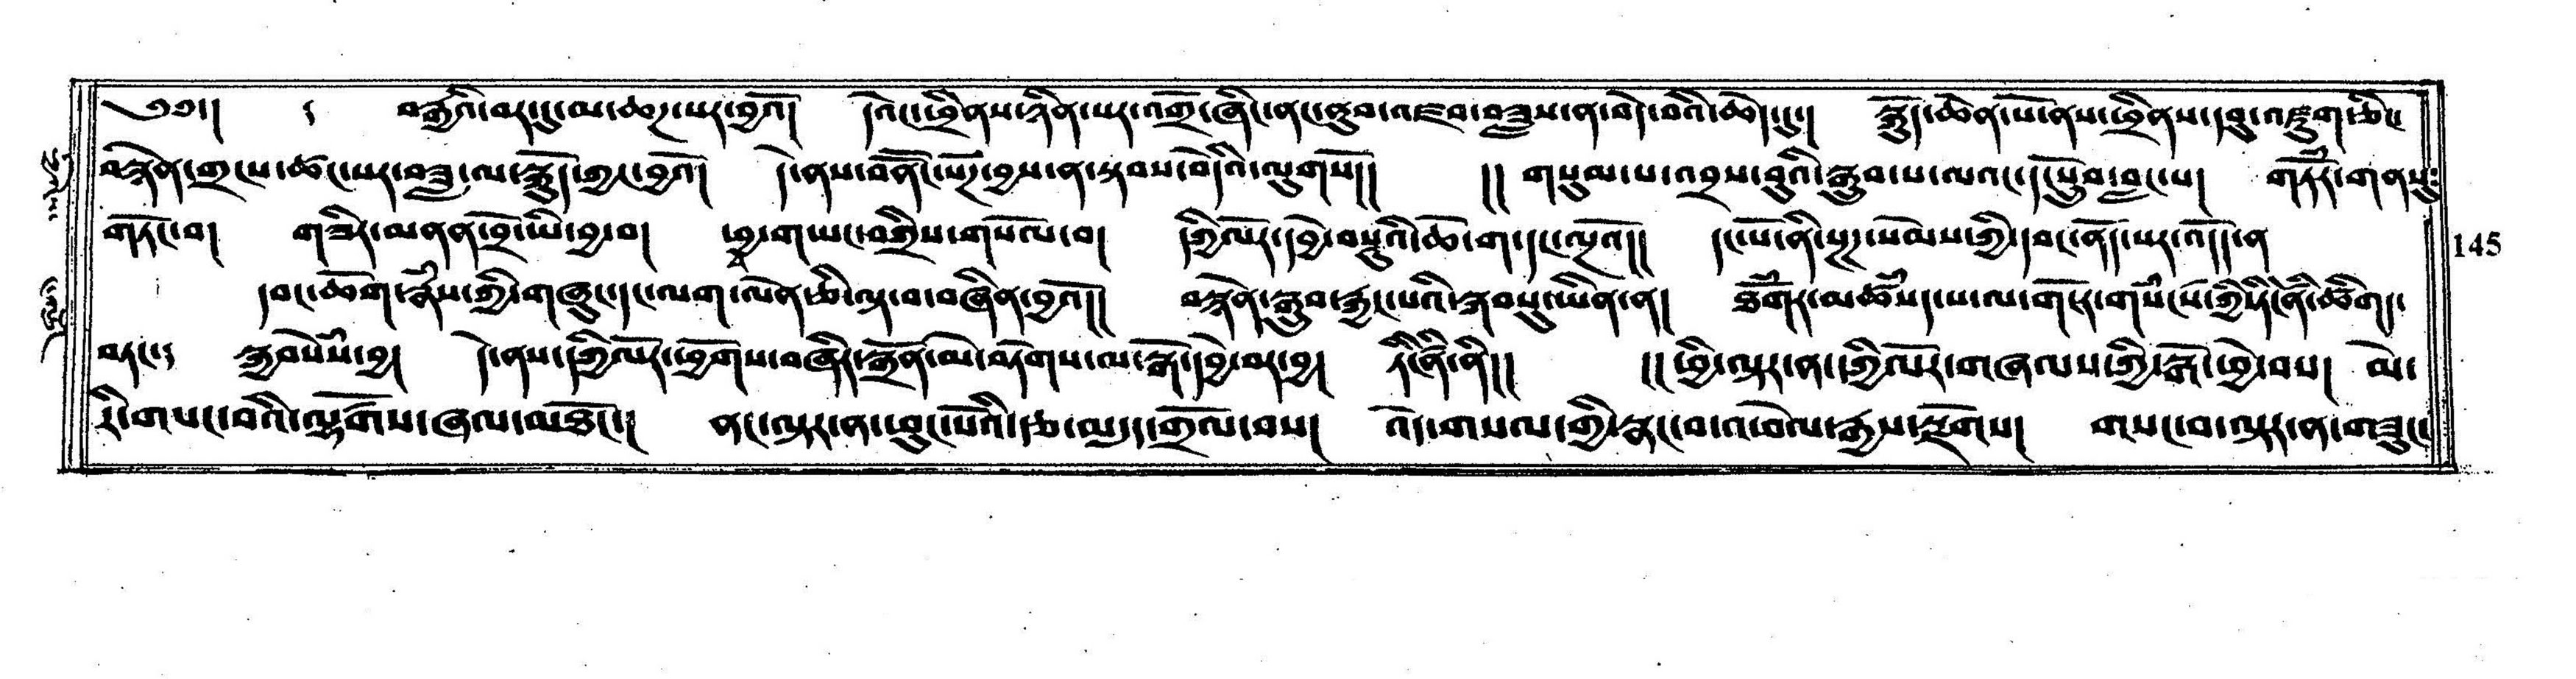བརྒྱའི་བར་དུ་མ་ཆག་པར་བྱའོ། དེའང་ཕྲིན་ལས་ཉིན་པར་འགྲོ་ཞིང་ནང་ནུབ་འཛབ་བཟླས་ན་བདེ་བའི་ཆེད་དུ། སྐུ་བསྟོད་ཆེན་པོ་ནས་ཕྲིན་ལས་དབུ་འཛུག་ཅིང་
བསྙེན་གྲངས་ཚང་པར་བཟླ་ལ་སྐུ་བསྟོད་ཀྱང་བྱའོ། དེ་ནས་བོན་སྐྱོང་སོགས་བྱས་ན་སྟབས་བདེའི་ལུགས་སོ།། །།།གསུམ་པ་འབྲས་བུའི་སྒྲུབ་པ་ལའང་དངོས་གྲུབ་བླང་པ། གཏོར་མ་གནས་སུ་
གཏོང་བ། གཟིར་མནན་བྲོ་ཡི་བྱ་བ། ཕྱྭ་གཡང་བཀྲ་ཤིས་གསོལ་བ། དཀྱིལ་འཁོར་དབྱེ་བསྡུའི་ཆོ་ག་དང་ལྔའོ།། དང་པོ་ནི་སྔགས་སེམས་ཀྱི་དབང་ནོད་པར་འདོད་ན་
དབང་ཆོག་རྣམས་ཀྱི་གཞུང་དང་ལག་ལེན་ཅི་ལྟ་བ་བཞིན་བྱའོ།། བསྙེན་སྒྲུབ་རྐྱང་པའི་སྐབས་སུ་ཡིན་ན། ཐོག་མར་མཚམས་བཅད་པ་ལ་གོང་ལྟར་གསང་མཚམས་ཀྱི་ཏིང་ངེ་འཛིན་ཚིག་བཤད་
བཏང་། སྐྱབས་སེམས་བྱ། དེ་ནས་དཀྱིལ་འཁོར་ཕྱོགས་བཞིར་སྒྲོན་མེ་བཏེགས་ལ་སྒོ་དབྱེ་བར་བྱ། ཏིང་ངེ་འཛིན།། །།ཕྱི་ལྟར་ན་དཀྱིལ་འཁོར་གཞལ་ཡས་ཀྱི་སྒོ་ཕྱེ་བས། མེ་
རི་གསང་བའི་ལྷ་ཚོགས་ཞལ་མཐོང་། ནང་ལྟར་ན་ཕུང་པོའི་རྩ་མདུད་གྲོལ་བས། འོད་གསལ་གྱི་སྣང་བ་འཕེལ་རྒྱས་རྫོགས། གསང་བ་ལྟར་ན་གཟུང་